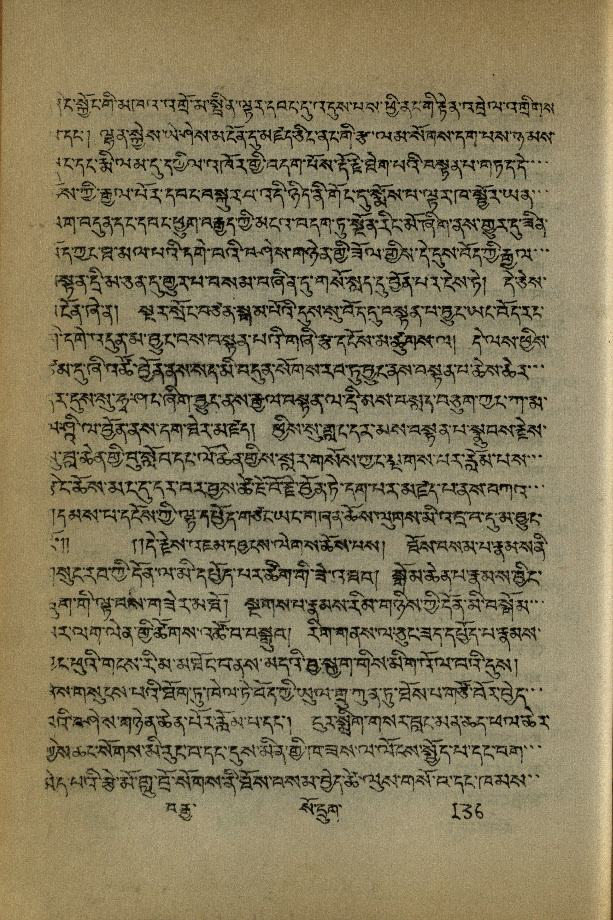ཞིང་སྐྱོང་གི་མཁའ་འགྲོ་མ་སྤྲིན་ལྟར་དབང་དུ་འདུས་པས་ཕྱི་ནང་གི་རྟེན་འབྲེལ་འགྲིགས་
པ་དང་། ལྷན་སྐྱེས་ཡེ་ཤེས་མངོན་དུ་མཛད་ཅིང་ནང་གི་རྩ་ལམ་སོགས་དག་པས་ཉམས་
སྣང་དང་རྨི་ལམ་དུ་དཀྱིལ་འཁོར་གྱི་བདག་པོས་རྡོ་རྗེ་ཐེག་པའི་བསྟན་པ་གཏད་དེ་
ཆོས་ཀྱི་རྒྱལ་པོར་དབང་བསྐུར་པ་འདི་ཉིད་ནི་གོང་དུ་སྨོས་པ་ལྟར་ཁ་སྦྱོར་ཡན་
ལག་བདུན་དང་དབང་ཕྱུག་བརྒྱད་ཀྱི་མངའ་བདག་ཏུ་སྔོན་རིང་མོ་ཞིག་ནས་གྱུར་དུ་ཟིན་
མོད་ཀྱང་ཐ་མལ་པའི་དགེ་བའི་བཤེས་གཉེན་གྱི་ཟོལ་གྱིས་དེ་དུས་བོད་ཀྱི་རྒྱལ་
བསྟན་དྲི་མ་ཅན་དུ་གྱུར་པ་བསམ་བཞིན་དུ་གསོ་སླད་དུ་བྱོན་པར་ངེས་ཏེ། དེ་ཅེས་
མངོན་ཞེ་ན། སྔར་སྲོང་བཙན་སྒམ་པོའི་དུས་སུ་བོད་དུ་བསྟན་པ་བྱུང་ཡང་བོད་རང་
གི་དགེ་འདུན་མ་བྱུང་བས་བསྟན་པའི་གཞི་རྩ་དངོས་མ་ཚུགས་ལ། དེ་ལས་ཕྱིས་
ཙམ་དུ་ཞི་འཚོ་བྱོན་ནས་སད་མི་བདུན་སོགས་རབ་ཏུ་བྱུང་ནས་བསྟན་པ་ཆེས་ཆེར་
དར་དུས་སུ་ཧྭ་ཤང་ཞིག་བྱུང་ནས་རྒྱལ་བསྟན་ལ་དྲི་མས་བསླད་བཅུག་བྱང་ཀ་མ་
ལ་ཤཱི་ལ་བྱོན་ནས་དག་ཐེ་མཛད། ཕྱིས་སུ་གླང་དར་མས་བསྟན་པ་སྣུབས་རྗེས་
སུ་བློ་ཆེན་གྱི་བུ་སློབ་དང་ལོ་ཆེན་གྱིས་སླར་གསོས་ཀྱང་སངས་པར་རློམ་པས་
རྩིང་ཆོས་མང་དུ་དར་བར་བྱས་ཚེ་ཇེ་བོ་རྗེ་བྱོན་ཏེ་དག་པར་མཛད་པ་ནས་བཀའ་
གདམས་པ་དངོས་ཀྱི་ལྟ་དཔྱོད་གཙང་ཡང་གཞན་ཆོས་ལུགས་མི་འདྲ་བ་དུ་མ་བྱུང་
ངོ།། །།དེ་རྗེས་འཇམ་དབྱངས་ལེགས་ཆོས་པས། ཐོས་བསམ་པ་རྣམས་ནི་
གསུང་རབ་ཀྱི་དོན་ལ་མི་དཔྱོད་པར་ཚིག་གི་ཟེ་འཐབ། སྒོམ་ཆེན་པ་རྣམས་བྱིང་
རྨུག་གི་ལྟ་བས་གཟེར་མཐོ། སྔགས་པ་རྣམས་རིམ་གཉིས་ཀྱི་དོན་མི་བསྒོམ་
པར་ལག་ལེན་གྱི་ཚོགས་འཚོ་བ་བསྒྲུབ། རིག་གནས་ལ་ཅུང་ཟད་དཔྱོད་པ་རྣམས་
ཀྱང་ཕུའི་གངས་རི་མ་མཐོང་བ་ནས་མདའི་བྱ་སྐྱག་གིས་མིག་འོལ་བའི་དུས།
ཞེས་གསུངས་པའི་ཐོག་ཏུ་ཁེལ་ཏེ་བོད་ཀྱི་ཡུལ་གྲུ་ཀུན་ཏུ་ཐོས་པ་གཙོ་བོར་བྱེད་
བའི་བཤེས་གཉེན་ཆེན་པོར་རློམ་པ་དང་། དུར་སྨྲིག་གསར་བླང་མན་ཆད་ཕལ་ཆེར་
ཀྱིས་ཆང་སོགས་མི་རུང་བ་དང་དུས་མིན་གྱི་ཁ་ཟས་ལ་ལོངས་སྤྱོད་པ་དང་བག་
མེད་པའི་རྩེ་མོ་གླུ་བྲོ་སོགས་ནི་ཐོས་བསམ་བྱེད་ཚེ་ལུས་གསོ་བ་དང་ཁམས་